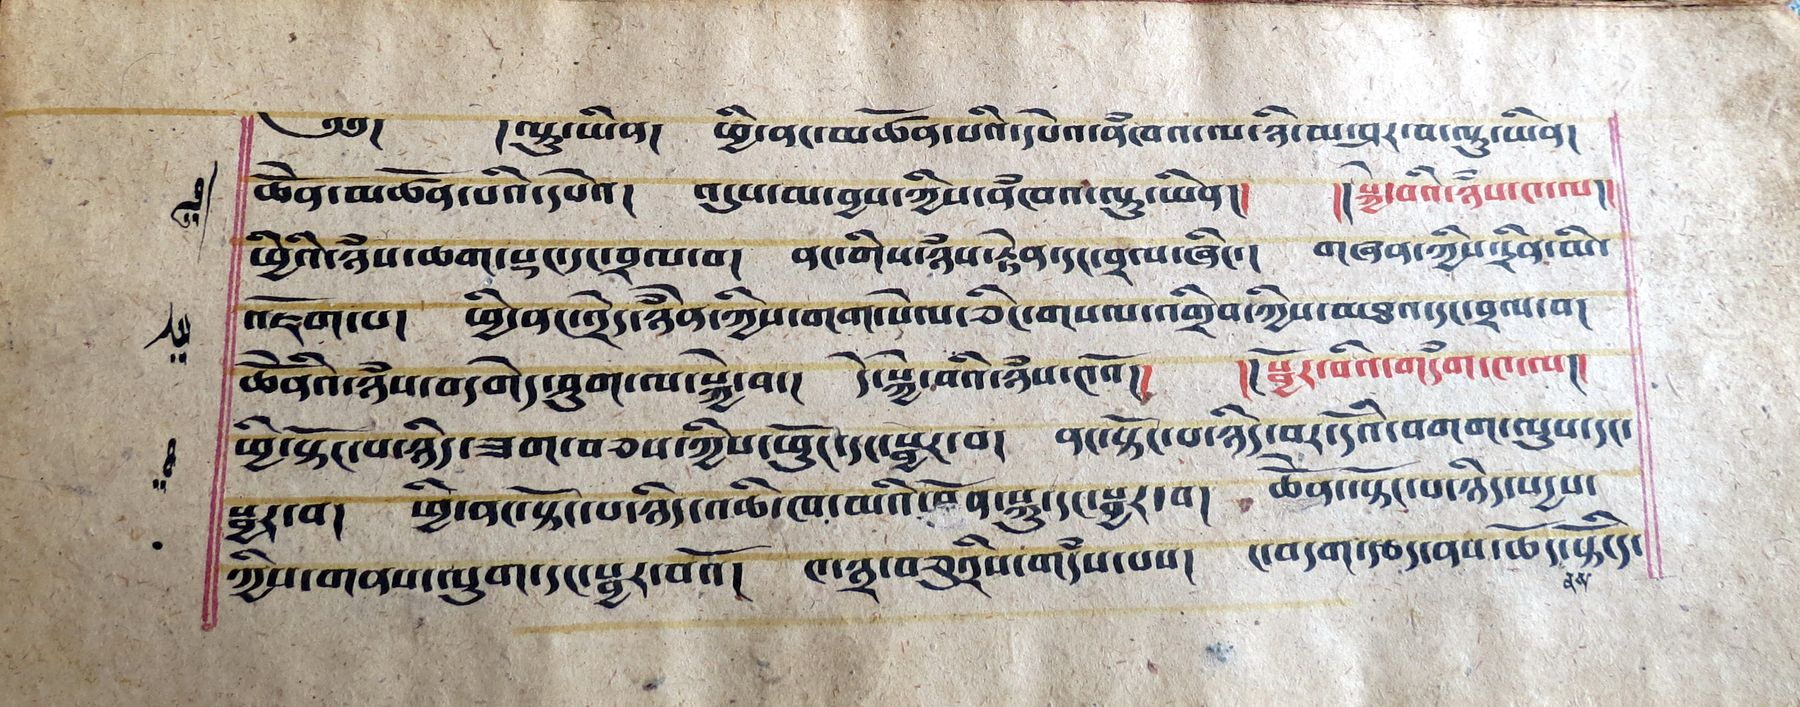ལྟ་བུ་ཡིན། ཕྱི་ནང་མཚོན་པའི་དཔེ་ནི། ནམ་མཁའ་ལ་ཉི་མ་ཤར་བ་ལྟ་བུ་ཡིན། 
ཆེན་པོ་མཚོན་པའི་དཔེ་ནི། འདུས་མ་བྱས་ཀྱི་ནམ་མཁའ་ལྟ་བུ་ཡིན། སྐྱེ་བའི་ཉམས་བཞི་ལ། 
ཕྱིའི་ཉམས་ཆགས་སྡང་དང་བྲལ། ནང་གི་ཉམས་རྟེན་དང་བྲལ་བས་གཞན་གྱི་དྲིན་མི་
འཇོག་པ། ཕྱི་ནང་གཉིས་མེད་ཀྱི་ཉམས་ཉམས་ལེན་གྱི་གེགས་སེལ་ཞིང་གསལ་སྒྲིབ་ཀྱི་མཐའ་བྲལ་བ། 
ཆེན་པོའི་ཉམས་བདག་མེད་ཤུགས་ལས་སྐྱེ་བ། སྦྱོར་བའི་གདམས་ངག་བཞི་ལ། 
ཕྱི་སྟོང་པ་ཉིད་ཟག་བཅས་ཀྱི་ཕུང་པོ་དང་སྦྱར་བ། ནང་སྟོང་པ་ཉིད་བར་དོའི་བག་ཆགས་ལུས་དང་
སྦྱར་བ། ཕྱི་ནང་སྟོང་པ་ཉིད་འཆི་ཁ་མའི་བོན་སྐུ་དང་སྦྱར་བ། ཆེན་པོ་སྟོང་པ་ཉིད་སངས་རྒྱས་
ཀྱི་གནས་ལུགས་དང་སྦྱར། བཞི་གསུམ་བཅུ་གཉིས་གདམས་པ། ང་བདག་རྩད་ནས་ཆོད་ནས་སྟོང་ཉིད་